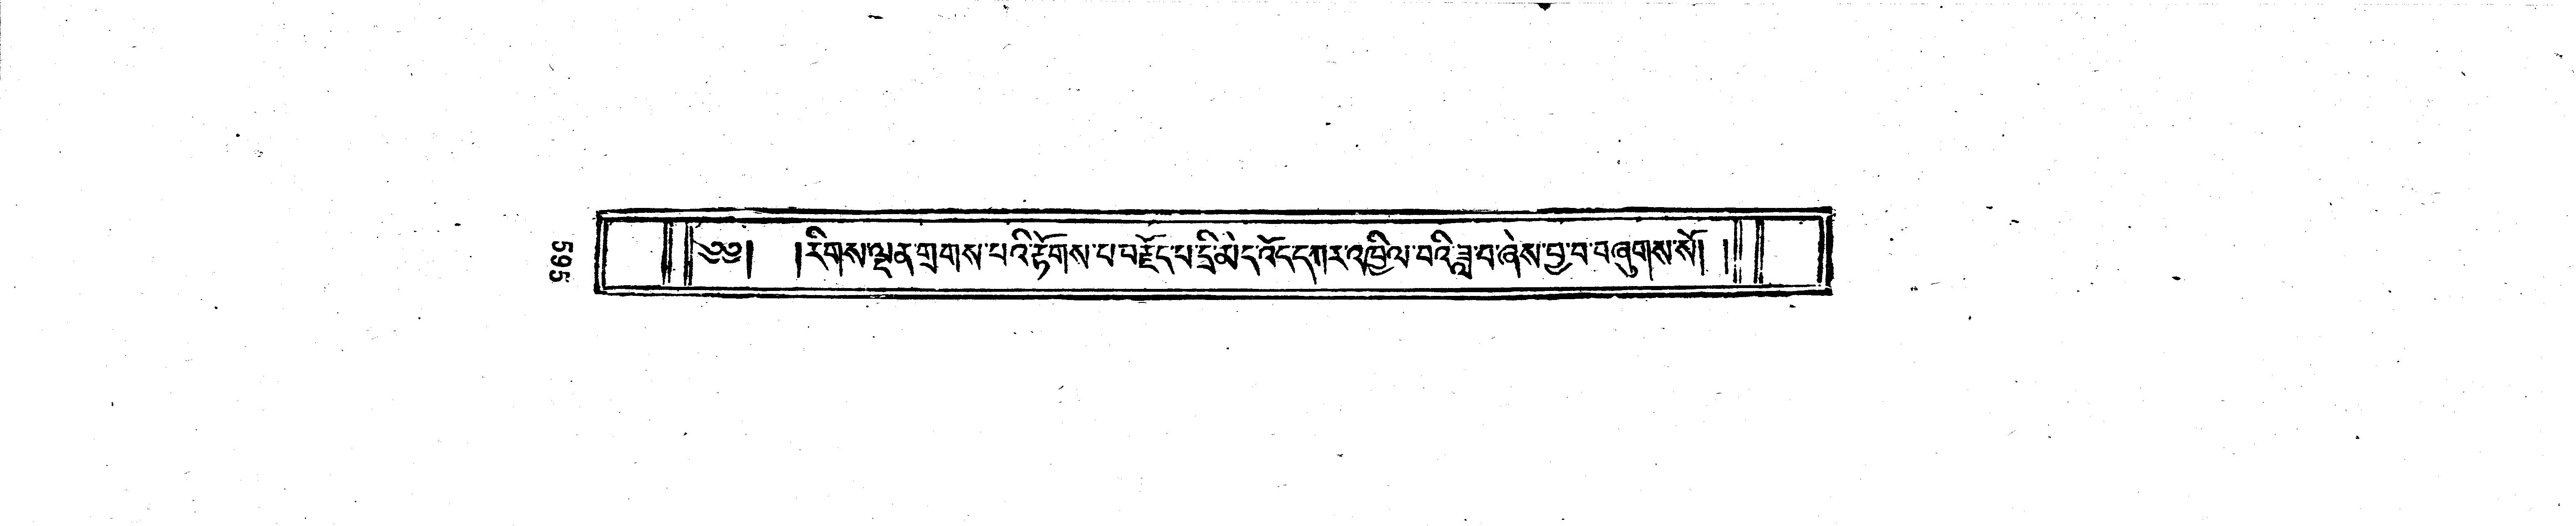༄༅། །རིགས་ལྡན་གྲགས་པའི་རྟོགས་པ་བརྗོད་པ་དྲི་མེད་འོད་དཀར་འཁྱིལ་བའི་ཟླ་བ་ཞེས་བྱ་བ་བཞུགས་སོ།།